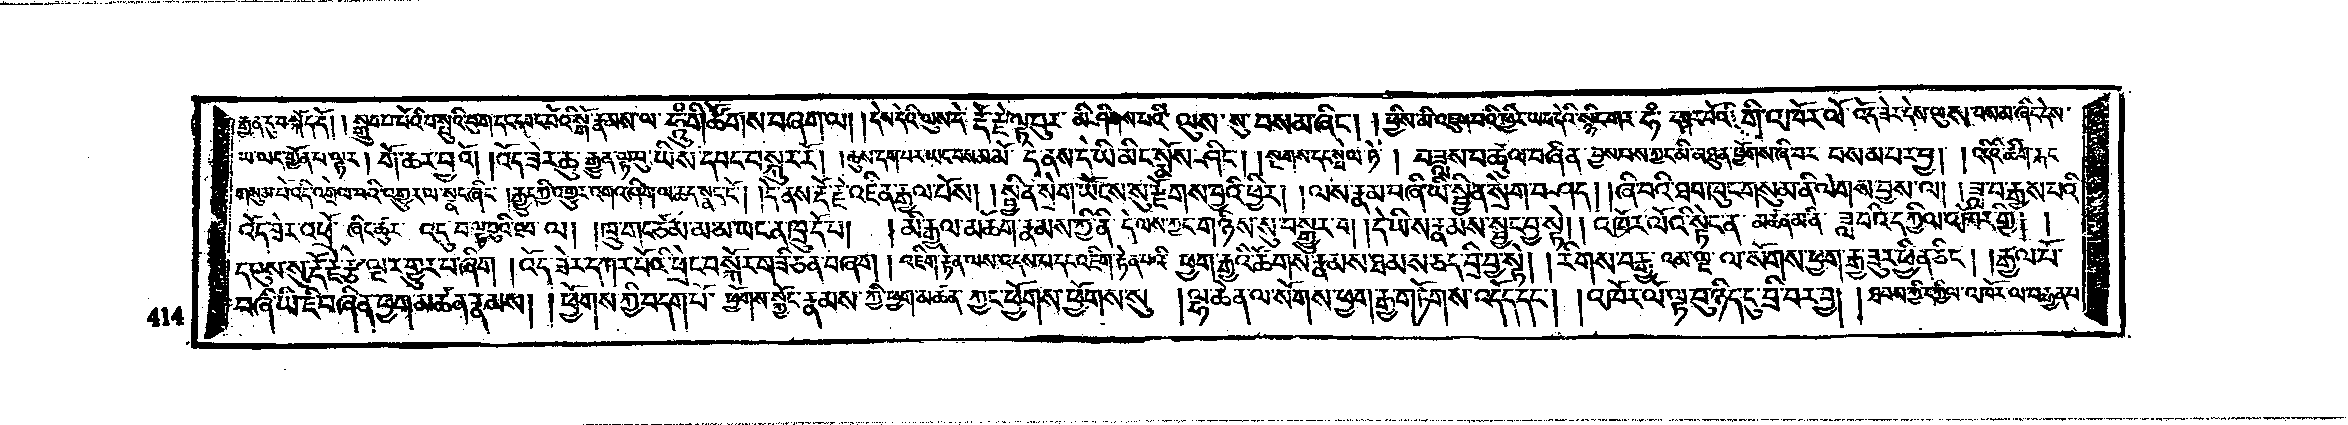རྒྱན་དུ་བཤད་དོ། །སྒྲུབ་པ་པོའི་བ་སྤུའི་བུ་ག་དང་དབང་པོའི་སྒོ་རྣམས་ལ་ཧཱུཾ་གི་ཚོགས་བཞག་ལ། ། དེས་དེའི་ལུས་དེ་རྡོ་རྗེ་ལྟ་བུར་མི་ཤིགས་པའི་ལུས་སུ་བསམ་ཞིང་། ། ཕྱིས་མི་འཇུག་པའི་ཕྱིར་ཡང་དེའི་སྙིང་གར་ཧཾ་དཀར་པོའི་གི་འཁོར་ལོ་འོད་ཟེར་དེས་ལུས་བསམ་ཞིང་དེས་
ཡ་ལད་གྱོན་པ་ལྟར། གོ་ཆར་བྱའོ། །འོད་ཟེར་ཆུ་རྒྱུན་ལྟ་བུ་ཡིས་དབང་བསྐུར་རོ། ། ཆུས་དག་པར་ཡང་བསམ་མོ་དེ་ནས་དེ་ཡི་མིང་སྨོས་ཤིང་། ། སྔགས་དང་སྤེལ་ཏེ།  བཟླས་པ་ཚུལ་བཞིན་བྱས་པས་ཀྱང་མི་མཐུན་ཕྱོགས་ཞི་བར་བསམ་པར་བྱ། །འདིའི་ཚིག་རྐང་
གསུམ་པོ་འདི་འགྲེལ་པའི་འགྱུར་ལ་སྣང་ཞིང་། རྒྱུད་ཀྱི་འགྱུར་འགའ་ཞིག་ལ་ཆད་སྣང་ངོ། །དེ་ནས་རྡོ་རྗེ་འཛིན་རྒྱལ་པོས། །སྦྱིན་སྲེག་ཡོངས་སུ་རྫོགས་བྱའི་ཕྱིར། །ལས་རྣམ་བཞི་ཡི་སྦྱིན་སྲེག་བཤད། །ཞི་བའི་ཐབ་ཁུང་གསུམ་ནི་ལེགས་བྱས་ལ། །ཟླ་བ་རྒྱས་པའི་
འོད་ཟེར་འཕྲོ་ཞིང་ཚུར་འདུ་བ་ལྟ་བུའི་ཐབ་ལ།  །ཁྲུ་གང་ཙམ་མམ་ཡང་ན་ཁྲུ་དོ་པ། །མི་རྒྱལ་མཆོག་རྣམས་ཀྱི་ནི་དེ་ལས་ཀྱང་གཉིས་སུ་བསྒྱུར་བ། །དེ་ཡི་ས་རྣམས་སྦྱང་བྱ་སྟེ། །འཁོར་ལོའི་སྟེང་ན་མཚན་མ་ནི་ཟླ་བའི་དཀྱིལ་འཁོར་གྱི། །
དབུས་སུ་རྡོ་རྗེ་རྩེ་ལྔར་གྱུར་པ་ཞིག། འོད་ཟེར་དཀར་པོའི་ཕྲེང་བསྐོར་གཟི་ཅན་བཞག། འཇིག་རྟེན་ལས་འདས་པ་དང་འཇིག་རྟེན་པའི་ཕྱག་རྒྱའི་ཚོགས་རྣམས་ཐམས་ཅད་བྲི་བྱ་སྟེ། །རིགས་བརྒྱ་འམ་ལྔ་ལ་སོགས་ཕྱག་རྒྱ་ཟུར་ཕྱིན་ཅིང་། །རྒྱལ་པོ་
བཞི་ཡི་ཇི་བཞིན་ཕྱག་མཚན་རྣམས། །ཕྱོགས་ཀྱི་བདག་པོ་ཕྱོགས་སྐྱོང་རྣམས་ཀྱི་ཕྱག་མཚན་ཀྱང་ཕྱོགས་སུ། ལྷ་ཆེན་ལ་སོགས་ཕྱག་རྒྱ་གཏོགས་འདོད་དང་། །འཁོར་ལོ་ལྟ་བུ་ཉིད་དུ་བྲི་བར་བྱ། །ཐབས་ཀྱི་དཀྱིལ་འཁོར་ལ་བརྒྱན་པ་